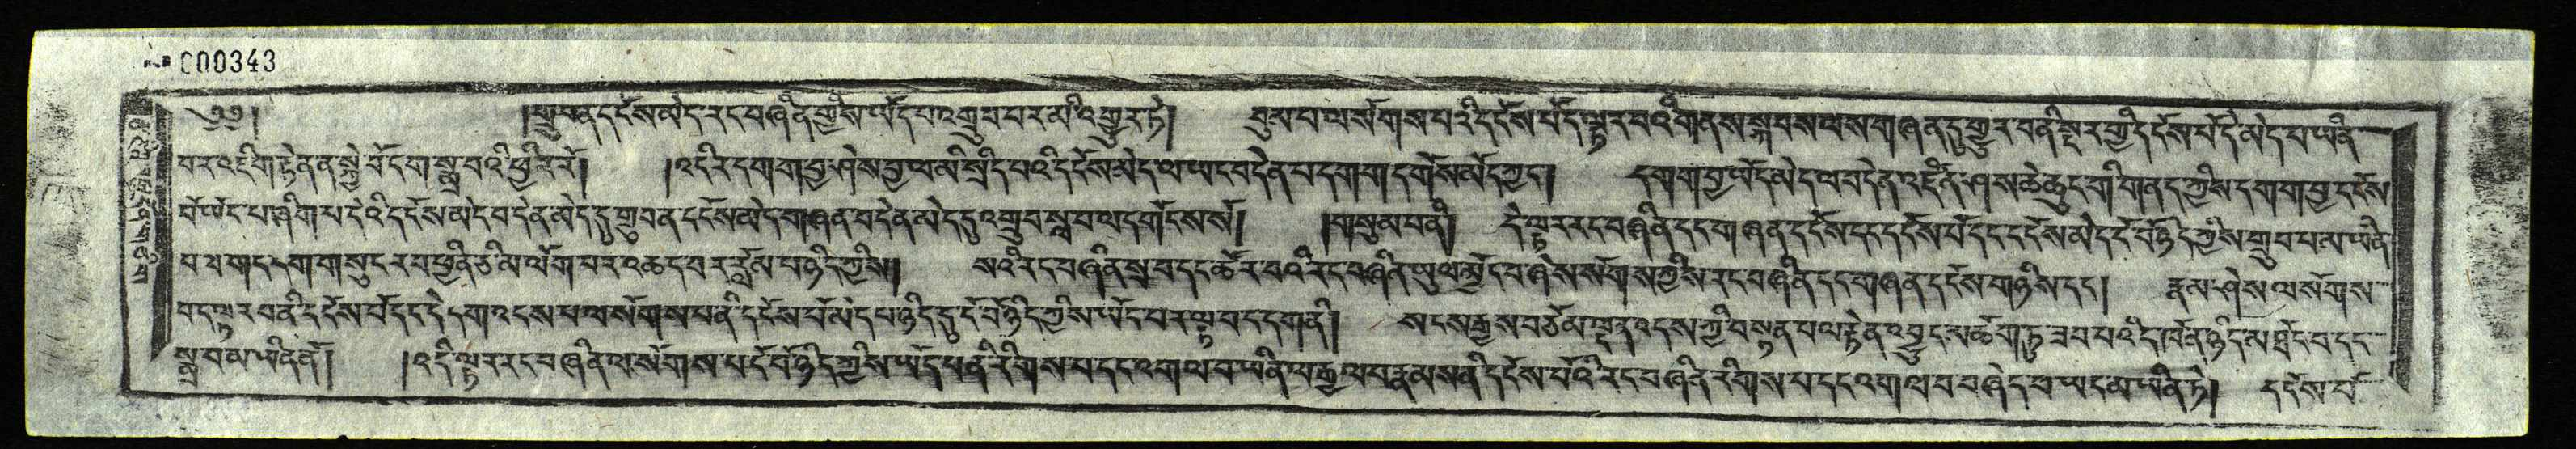༄༅། །གྲུབ་ན་དངོས་མེད་རང་བཞིན་གྱིས་ཡོད་པ་འགྲུབ་པར་མི་འགྱུར་ཏེ། བུམ་པ་ལ་སོགས་པའི་དངོས་པོ་ད་ལྟར་བའི་གནས་སྐབས་ལས་གཞན་དུ་གྱུར་བ་ནི་སྔར་གྱི་དངོས་པོ་དེ་མེད་པ་ཡིན་
བར་འཇིག་རྟེན་ན་སྐྱེ་བོ་དག་སྨྲ་བའི་ཕྱིར་རོ། །འདིར་དགག་བྱ་ཤེས་བྱ་ལ་མི་སྲིད་པའི་དངོས་མེད་ལ་ཡང་བདེན་པ་དགག་དགོས་མོད་ཀྱང་། དགག་བྱ་ཡོད་མེད་ལ་བདེན་འཛིན་ཤས་ཆེ་ཆུང་གི་གནད་ཀྱིས་དགག་བྱ་དངོས་
པོ་ཡོད་པ་ཞིག་པ་དེའི་དངོས་མེད་བདེན་མེད་དུ་གྲུབ་ན་དངོས་མེད་གཞན་བདེན་མེད་དུ་འགྲུབ་སླ་བ་ལ་དགོངས་སོ། །གསུམ་པ་ནི། དེ་ལྟར་རང་བཞིན་དང་གཞན་དངོས་དང་དངོས་པོ་དང་དངོས་མེད་ངོ་བོ་ཉིད་ཀྱིས་གྲུབ་པ་མ་ཡིན་
པ་ལ་གང་དག་གསུང་རབ་ཕྱིན་ཅི་མ་ལོག་པར་འཆད་པར་རློམ་པ་ཉིད་ཀྱིས། སའི་རང་བཞིན་སྲ་བ་དང་ཚོར་བའི་རང་བཞིན་ཡུལ་མྱོང་བ་ཞེས་སོགས་ཀྱིས་རང་བཞིན་དང་གཞན་དངོས་གཉིས་དང་། རྣམ་ཤེས་ལ་སོགས་
བ་ད་ལྟར་བ་ནི་དངོས་པོ་དང་དེ་དག་འདས་པ་ལ་སོགས་པ་ནི་དངོས་པོ་མེད་པ་ཉིད་དུ་ངོ་བོ་ཉིད་ཀྱིས་ཡོད་པར་ལྟ་བར་དག་ནི། སངས་རྒྱས་བཅོམ་ལྡན་འདས་ཀྱི་བསྟན་པ་ལ་རྟེན་འབྱུང་མཆོག་ཏུ་ཟབ་པའི་ད་ཁོ་ན་ཉིད་མཐོང་བ་དང་
སྨྲ་བ་མ་ཡིན་ནོ། །འདི་ལྟར་རང་བཞིན་ལ་སོགས་པ་ངོ་བོ་ཉིད་ཀྱིས་ཡོད་པ་ནི་རིགས་པ་དང་འགལ་བ་ཡིན་ལ་རྒྱལ་བ་རྣམས་ནི་དངོས་པོའི་རང་བཞིན་རིགས་པ་དང་འགལ་བ་བཞེད་པ་ཡང་མ་ཡིན་ཏེ། དངོས་པོ་